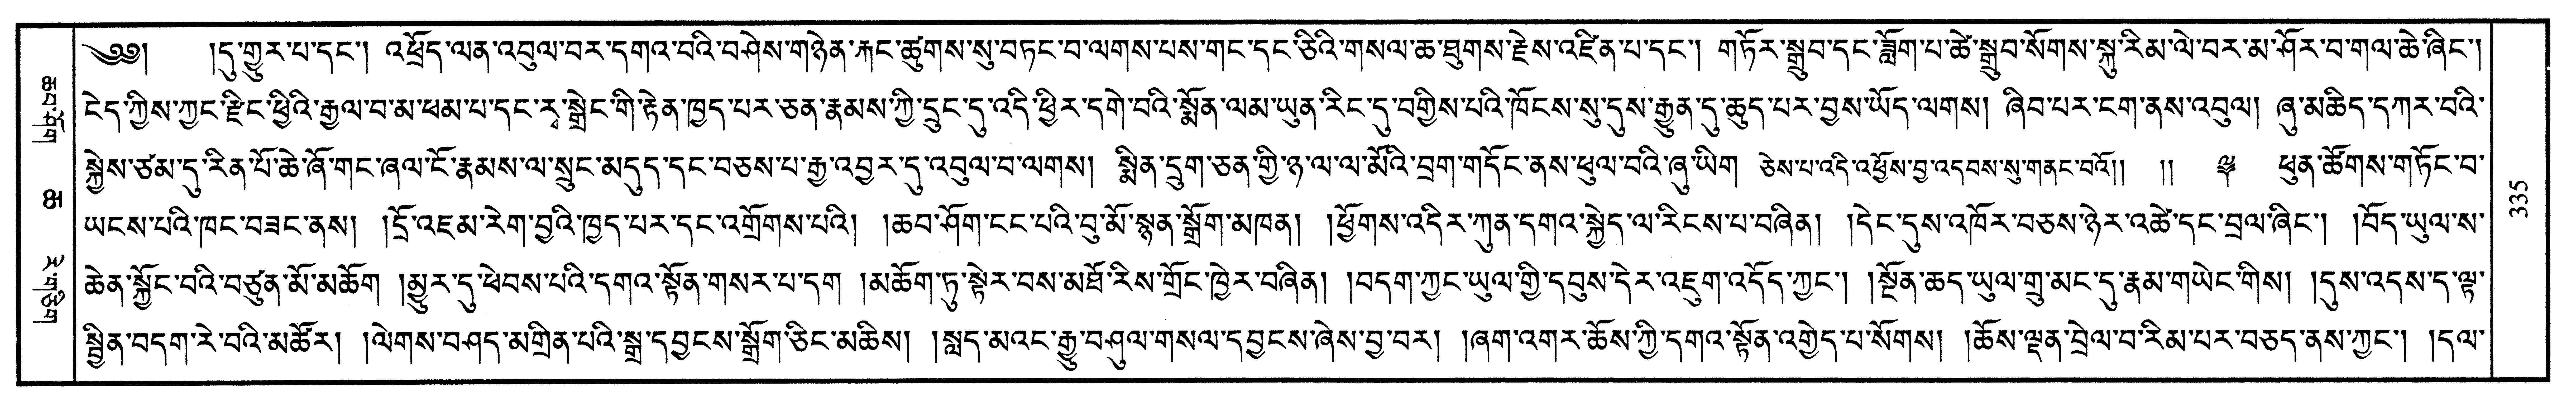༄༅། །དུ་གྱུར་པ་དང་། འཕྲོད་ལན་འབུལ་བར་དགའ་བའི་བཤེས་གཉེན་རྐང་ཚུགས་སུ་བཏང་བ་ལགས་པས་གང་དང་ཅིའི་གསལ་ཆ་ཐུགས་རྗེས་འཛིན་པ་དང་། གཏོར་སྒྲུབ་དང་ཟློག་པ་ཚེ་སྒྲུབ་སོགས་སྐུ་རིམ་ལེ་བར་མ་ཤོར་བ་གལ་ཆེ་ཞིང་།
ངེད་ཀྱིས་ཀྱང་རྫིང་ཕྱིའི་རྒྱལ་བ་མ་ཕམ་པ་དང་རྭ་སྒྲེང་གི་རྟེན་ཁྱད་པར་ཅན་རྣམས་ཀྱི་དྲུང་དུ་འདི་ཕྱིར་དགེ་བའི་སྨོན་ལམ་ཡུན་རིང་དུ་བགྱིས་པའི་ཁོངས་སུ་དུས་རྒྱུན་དུ་ཆུད་པར་བྱས་ཡོད་ལགས། ཞིབ་པར་ངག་ནས་འབུལ། ཞུ་མཆིད་དཀར་བའི་
སྐྱེས་ཙམ་དུ་རིན་པོ་ཆེ་ཞོ་གང་ཞལ་ངོ་རྣམས་ལ་སྲུང་མདུད་དང་བཅས་པ་རྒྱ་འབྱར་དུ་འབུལ་བ་ལགས། སྨིན་དྲུག་ཅན་གྱི་ཉ་ལ་ལ་མོའི་བྲག་གདོང་ནས་ཕུལ་བའི་ཞུ་ཡིག་ཅེས་པ་འདི་འཕྱོས་བྱ་འདབས་སུ་གནང་བའོ།། །། ༈ ཕུན་ཚོགས་གཏོང་བ་
ཡངས་པའི་ཁང་བཟང་ནས། །དྲོ་འཇམ་རེག་བྱའི་ཁྱད་པར་དང་འགྲོགས་པའི། །ཆབ་ཤོག་ངང་པའི་བུ་མོ་སྙན་སྒྲོག་མཁན། །ཕྱོགས་འདིར་ཀུན་དགའ་སྐྱེད་ལ་རིངས་པ་བཞིན། །དེང་དུས་འཁོར་བཅས་ཉེར་འཚེ་དང་བྲལ་ཞིང་། །བོད་ཡུལ་ས་
ཆེན་སྐྱོང་བའི་བཙུན་མོ་མཆོག །མྱུར་དུ་ཕེབས་པའི་དགའ་སྟོན་གསར་པ་དག །མཆོག་ཏུ་སྟེར་བས་མཐོ་རིས་གྲོང་ཁྱེར་བཞིན། །བདག་ཀྱང་ཡུལ་གྱི་དབུས་དེར་འཇུག་འདོད་ཀྱང་། །སྔོན་ཆད་ཡུལ་གྲུ་མང་དུ་རྣམ་གཡེང་གིས། །དུས་འདས་ད་ལྟ་
སྦྱིན་བདག་རེ་བའི་མཚོར། །ལེགས་བཤད་མགྲིན་པའི་སྒྲ་དབྱངས་སྒྲོག་ཅིང་མཆིས། །སླད་མའང་རྒྱུ་བཤུལ་གསལ་དབྱངས་ཞེས་བྱ་བར། །ཞག་འགར་ཆོས་ཀྱི་དགའ་སྟོན་འགྱེད་པ་སོགས། །ཆོས་ལྡན་བྲེལ་བ་རིམ་པར་བཅད་ནས་ཀྱང་། །དལ་